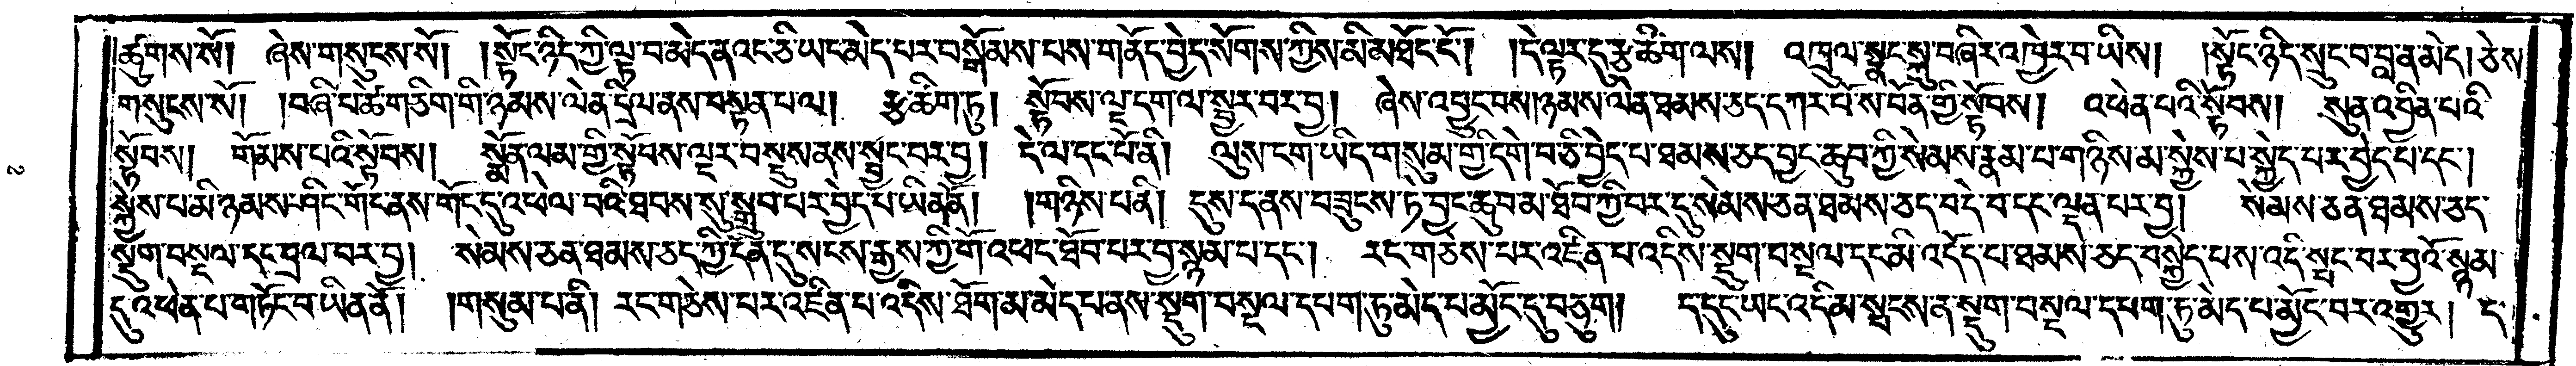ཚུགས་སོ། ཞེས་གསུངས་སོ། །སྟོང་ཉིད་ཀྱི་ལྟ་བ་མེད་ནའང་ཅི་ཡང་མེད་པར་བསྒོམས་པས་གནོད་བྱེད་སོགས་ཀྱིས་མི་མཐོང་ངོ། །དེ་ལྟར་དུ་རྩ་ཚིག་ལས། འཁྲུལ་སྣང་སྐུ་བཞིར་འཁྱེར་བ་ཡིས། །སྟོང་ཉིད་སྲུང་བ་བླ་ན་མེད། ཅེས་
གསུངས་སོ། །བཞི་པ་ཚེ་གཅིག་གི་ཉམས་ལེན་དྲིལ་ནས་བསྟན་པ་ལ། རྩ་ཚིག་ཏུ། སྟོབས་ལྔ་དག་ལ་སྦྱར་བར་བྱ། ཞེས་འབྱུང་བས། ཉམས་ལེན་ཐམས་ཅད་དཀར་པོ་ས་བོན་གྱི་སྟོབས། འཕེན་པའི་སྟོབས། སུན་འབྱིན་པའི་
སྟོབས། གོམས་པའི་སྟོབས། སྨོན་ལམ་གྱི་སྟོབས་ལྔར་བསྡུས་ནས་སྦྱང་བར་བྱ། དེ་ལ་དང་པོ་ནི། ལུས་ངག་ཡིད་གསུམ་གྱི་དགེ་བ་ཅི་བྱེད་པ་ཐམས་ཅད་བྱང་ཆུབ་ཀྱི་སེམས་རྣམ་པ་གཉིས་མ་སྐྱེས་པ་སྐྱེད་པར་བྱེད་པ་དང་།
སྐྱེས་པ་མི་ཉམས་ཤིང་གོང་ནས་གོང་དུ་འཕེལ་བའི་ཐབས་སུ་སྒྲུབ་པར་བྱེད་པ་ཡིན་ནོ། །གཉིས་པ་ནི། དུས་ད་ནས་བཟུངས་ཏེ་བྱང་ཆུབ་མ་ཐོབ་ཀྱི་བར་དུ་སེམས་ཅན་ཐམས་ཅད་བདེ་བ་དང་ལྡན་པར་བྱ། སེམས་ཅན་ཐམས་ཅད་
སྡུག་བསྔལ་དང་བྲལ་བར་བྱ། སེམས་ཅན་ཐམས་ཅད་ཀྱི་དོན་དུ་སངས་རྒྱས་ཀྱི་གོ་འཕང་ཐོབ་པར་བྱ་སྙམ་པ་དང་། རང་གཅེས་པར་འཛིན་པ་འདིས་སྡུག་བསྔལ་དང་མི་འདོད་པ་ཐམས་ཅད་སྐྱེད་པས་འདི་སྤང་བར་བྱའོ་སྙམ་
དུ་འཕེལ་པ་གཏོང་བ་ཡིན་ནོ། །གསུམ་པ་ནི། རང་གཅེས་པར་འཛིན་པ་འདིས་ཐོག་མ་མེད་པ་ནས་སྡུག་བསྔལ་དཔག་ཏུ་མེད་པ་མྱོང་དུ་བཅུག། ད་དུང་ཡང་འདི་མ་སྤངས་ན་སྡུག་བསྔལ་དཔག་ཏུ་མེད་པ་མྱོང་བར་འགྱུར། ད་